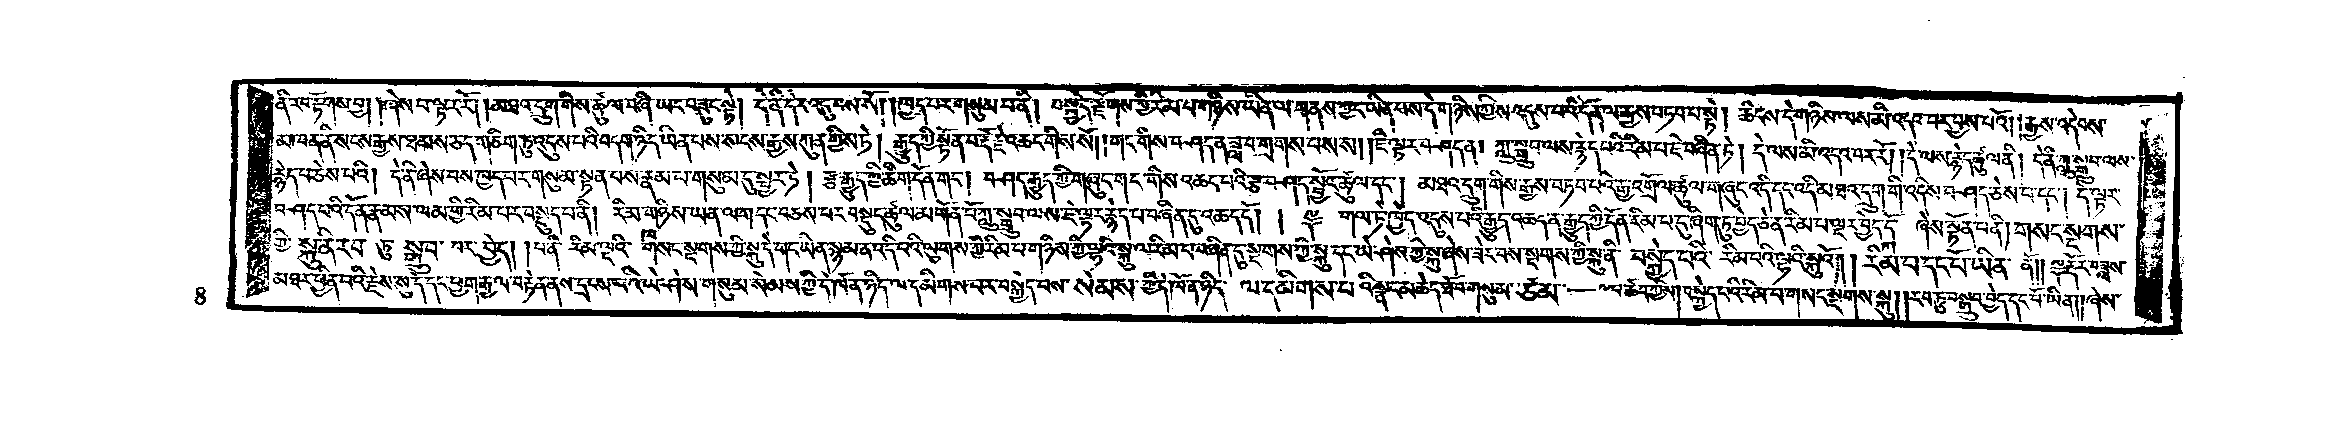ནི་རབ་རྟོགས་བྱ། །ཞེས་པ་ལྟར་རོ། །མཐའ་དྲུག་གིས་ཚུལ་བཞི་ཡང་བཟུང་སྟེ། དེ་ནི་དེར་འདུ་བས་སོ། །ཁྱད་པར་གསུམ་པ་ནི། བསྐྱེད་སྔགས་ཀྱི་རིམ་པ་གཉིས་ཡིན་ལ་གནས་ཀྱང་ཡིན་པས་དེ་གཉིས་ཀྱིས་འདུས་པའི་དོན་ལ་རྒྱས་བཏབ་པ་སྟེ། ཆིངས་དེ་གཉིས་ལས་མི་འདའ་བར་བྱས་པའོ། །རྒྱས་འདེབས་
མཁན་ནི་སངས་རྒྱས་ཐམས་ཅད་གཅིག་ཏུ་འདུས་པའི་བདག་ཉིད་ཡིན་པས་སངས་རྒྱས་ཀུན་གྱིས་ཏེ། རྒྱུད་ཀྱི་སྟོན་པ་རྡོ་རྗེ་འཆང་གིས་སོ། །གང་གིས་བཤད་ན་ཟླ་བ་གྲགས་པས་ས། །ཇི་ལྟར་བཤད་ན། ཀླུ་སྒྲུབ་ལས་རྙེད་པའི་རིམ་པ་ཇི་བཞིན་ཏེ། དེ་ལས་མི་འདའ་བར་རོ། །དེ་ལས་རྙེད་ཚུལ་ནི། དེ་ནི་ཀླུ་སྒྲུབ་ལས་
རྙེད་པ་ཅེས་པའི། དེ་ནི་ཞེས་པས་ཁྱད་པར་གསུམ་སྟན་པས་རྣམ་པ་གསུམ་དུ་སྦྱར་ཏེ། རྩ་རྒྱུད་ཀྱི་ཚིག་དོན་གང་། བཤད་རྒྱུད་ཀྱི་གཞུང་གང་གིས་འཆད་བའི་རྩ་བཤད་སྦྱོར་ཚུལ་དང་། མཐའ་དྲུག་གིས་རྒྱས་བཏབ་པའི་རྒྱ་འགྲོལ་ཚུལ་གཞུང་འདི་དང་འདི་མཐའ་དྲུག་གི་འདིས་བཤད་ཅེས་བ་དང་། དེ་ལྟར་
བཤད་པའི་དོན་རྣམས་ལམ་གྱི་རིམ་པར་བསྡུད་པ་ནི། རིམ་གཉིས་ཡན་ལག་དང་བཅས་པར་བསྡུད་ཚུལ་མགོན་པོ་ཀླུ་སྒྲུབ་ལས་ཇི་ལྟར་རྙེད་པ་བཞིན་དུ་འཆད་དོ།། ༈ གལ་ཏེ་ཁྱེད་འདུས་པའི་རྒྱུད་འཆད་ན་རྒྱུད་ཀྱི་དོན་རིམ་པ་དུ་ཞིག་ཏུ་བྱེད་ཅེ་ན་རིམ་པ་ལྔར་བྱེད་དོ་ཞེས་སྟོན་པ་ནི། གསང་སྔགས་
ཀྱི་སྐུ་ནི་རབ་ཏུ་སྒྲུབ་པར་བྱེད། ། པ་ནི་རིམ་ལྔའི་གསང་སྔགས་ཀྱི་སྐུ་དེ་གང་ཡིན་སྙམ་ན་འདི་པའི་ལུགས་ཀྱི་རིམ་པ་གཉིས་ཀྱི་ལྷའི་སྐུ་ལ་རིམ་པ་བཞིན་དུ་སྔགས་ཀྱི་སྐུ་དང་ཡེ་ཤེས་ཀྱི་སྐུ་ཞེས་ཟེར་བས་སྔགས་ཀྱི་སྐུ་ནི་བསྐྱེད་པའི་རིམ་པའི་ལྷའི་སྐུའོ།  །རིམ་པ་དང་པོ་ཡིན་ནོ།། ༈ ནོར་བཟླས་
མཐར་ཕྱིན་པའི་རྗེས་སུ་དེ་དང་ཕྱག་རྒྱ་ལ་བརྟེན་ནས་དྲངས་པའི་ཡེ་ཤེས་གསུམ་སེམས་ཀྱི་དེ་ཁོ་ན་ཉིད་ལ་དམིགས་པར་བསྐྱེད་པས་སེམས་ཀྱི་དེ་ཁོ་ན་ཉིད་ལ་དམིགས་པའི་སྣང་མཆེད་ཐོབ་གསུམ་ཙམཿ་༧པ་ཚབ་ཀྱིས། བསྐྱེད་པའི་རིམ་པ་གསང་སྔགས་སྐུ། །རབ་ཏུ་བསྒྲུབ་བྱེད་དང་པོ་ཡིན། །ཞེས་